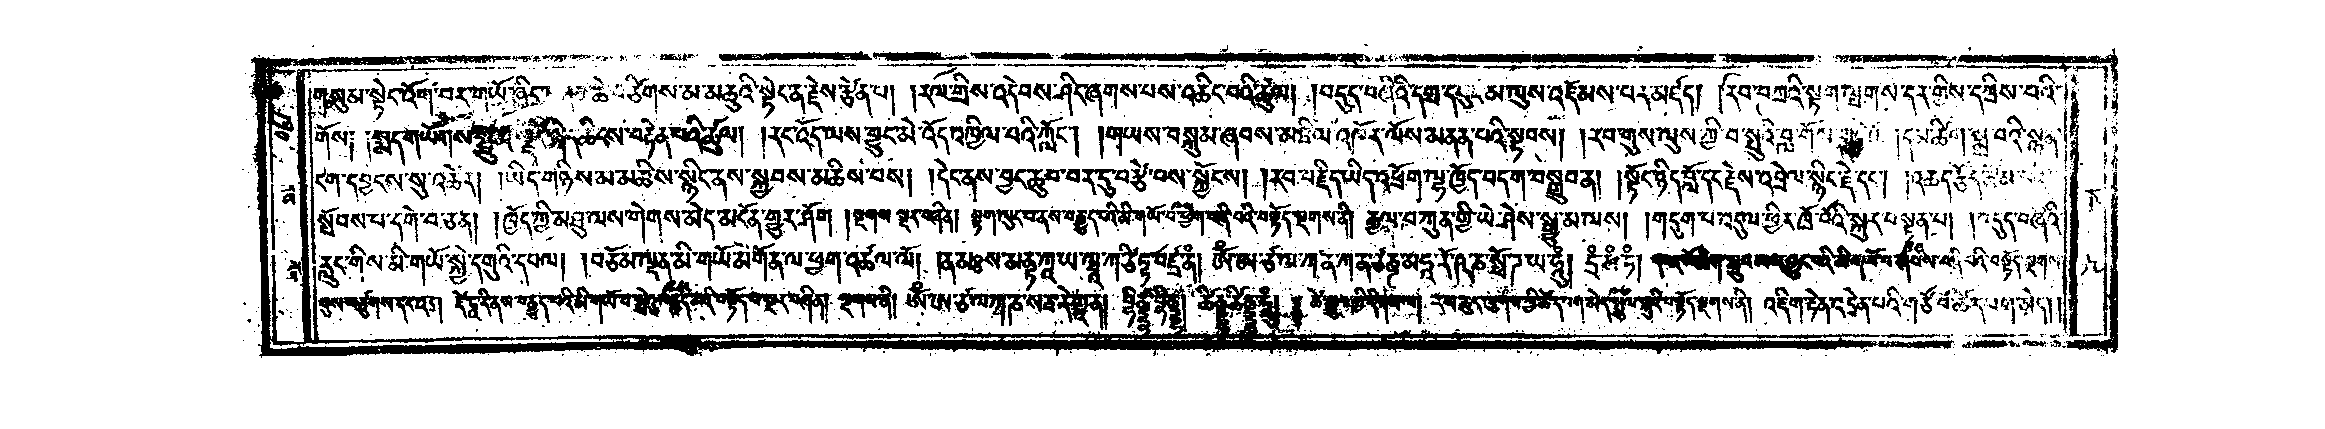གསུམ་སྟེང་འོག་བར་གཡོ་ཞིང་། །མཆེ་བཙིགས་མ་མཆུའི་སྟེང་ན་རྗེས་རྩེན་པ། །རལ་གྲིས་འདེབས་ཤིང་ཞགས་པས་འཆིང་བའི་ཚུལ། །བདུད་བཞིའི་དགྲ་དཔུང་མ་ལུས་འཇོམས་པར་མཛད། །རབ་བཀྲའི་སྟག་ལྤགས་དར་གྱིས་དཀྲིས་པའི་
གོས༑ ༑སྨད་གཡོགས་སྦྲུལ་ལྗང་སྐེད་ཆིངས་བརྟེན་པའི་ཚུལ། །རང་འོད་ལས་བྱུང་མེ་འོད་འཁྱིལ་བའི་ཀློང་། །གཡས་བསྐུམ་ཞབས་མཐིལ་འཁོར་ལོས་མནན་པའི་སྟབས། །རབ་གུས་ལུས་ཀྱི་བ་སྤུའི་བླ་གོས་གཡོ། །དམ་ཚིག་སྨྲ་བའི་སྙན་
ངག་དབྱངས་སུ་འཚེར། །ཡིད་གཉིས་མ་མཆིས་སྙིང་ནས་སྐྱབས་མཆིས་པས། །དེང་ནས་བྱང་ཆུབ་བར་དུ་བརྩེ་བས་སྐྱོངས། །རབ་བརྗིད་ཡིད་འཕྲོག་ལྷ་ཁྱོད་བདག་བསྒྲུབ་ན། །སྟོང་ཉིད་བློ་དང་རྗེས་འབྲེལ་སྙིང་རྗེ་དང་། །འཆད་རྩོད་རྩོམ་པའི་
སྤོབས་པ་དགེ་བ་ཅན། །ཁྱོད་ཀྱི་མཐུ་ལས་གེགས་མེད་མངོན་གྱུར་ཤོག་།སྔགས་སྔར་བཞིན། སྟག་ལུང་པ་ནས་བརྒྱུད་པའི་མི་གཡོ་བ་ཕྱག ༩༣་བཞི་བའི་བསྟོད་སྔགས་ནི། རྒྱལ་བ་ཀུན་གྱི་ཡེ་ཤེས་སྒྱུ་མ་ལས། །གདུག་པ་འདུལ་ཕྱིར་ཁྲོ་བོའི་སྐུར་བསྟན་པ། །བདུད་བཞིའི་
རླུང་གིས་མི་གཡོ་སྐྱེ་དགུའི་དཔལ། །བཅོམ་ལྡན་མི་གཡོ་མགོན་ལ་ཕྱག་འཚལ་ལོ། །ན་མཿས་མནྟ་ཀཱ་ཡ་ཝཱ་ཀ་ཙིཏྟ་བཛྲ་ནཾ། ཨོཾ་ཨ་ཙ་ལ་ཀ་ན་ཀ་ན་ཙཎྜ་མཧཱ་རོ་ཥ་ཎ་སྥོ་ཌ་ཡ་ཧཱུཾ། དྲཾ་མཾ་ཏཾ། དཔའ་བོ་ཆིག་སྒྲུབ་ལས་བྱུང་བའི་མི་གཡོ་བ་ཞབས་བཞི་པའི་བསྟོད་སྔགས་
པུས་བཙུགས་དང་འདྲ། ཛེ་ཏཱ་རི་ནས་བརྒྱུད་པའི་མི་གཡོ་བ་སྤྲེའུ་བརྒྱད་༩༥་མའི་བསྟོད་པ་སྔར་བཞིན། སྔགས་ནི། ཨོཾ་ཨ་ཙ་ལ་ཀ་ཎ་སརྦ་རེ་གཱ་ན། བྷིནྡྡྷ་བྷིནྡྡྷ། ཚིནྡྡྷ་ཚིནྡྡྷ་ཧཱུཾ། ༈ ཚེ་སྒྲུབ་ཀྱི་རིགས་ལ། རས་ཆུང་ལུགས་ཀྱི་ཚེ་དཔག་མེད་སྤྲུལ ༩༦་སྐུའི་བསྟོད་སྔགས་ནི། འཇིག་རྟེན་འདྲེན་པའི་གཙོ་བོ་ཚེ་དཔག་མེད། །